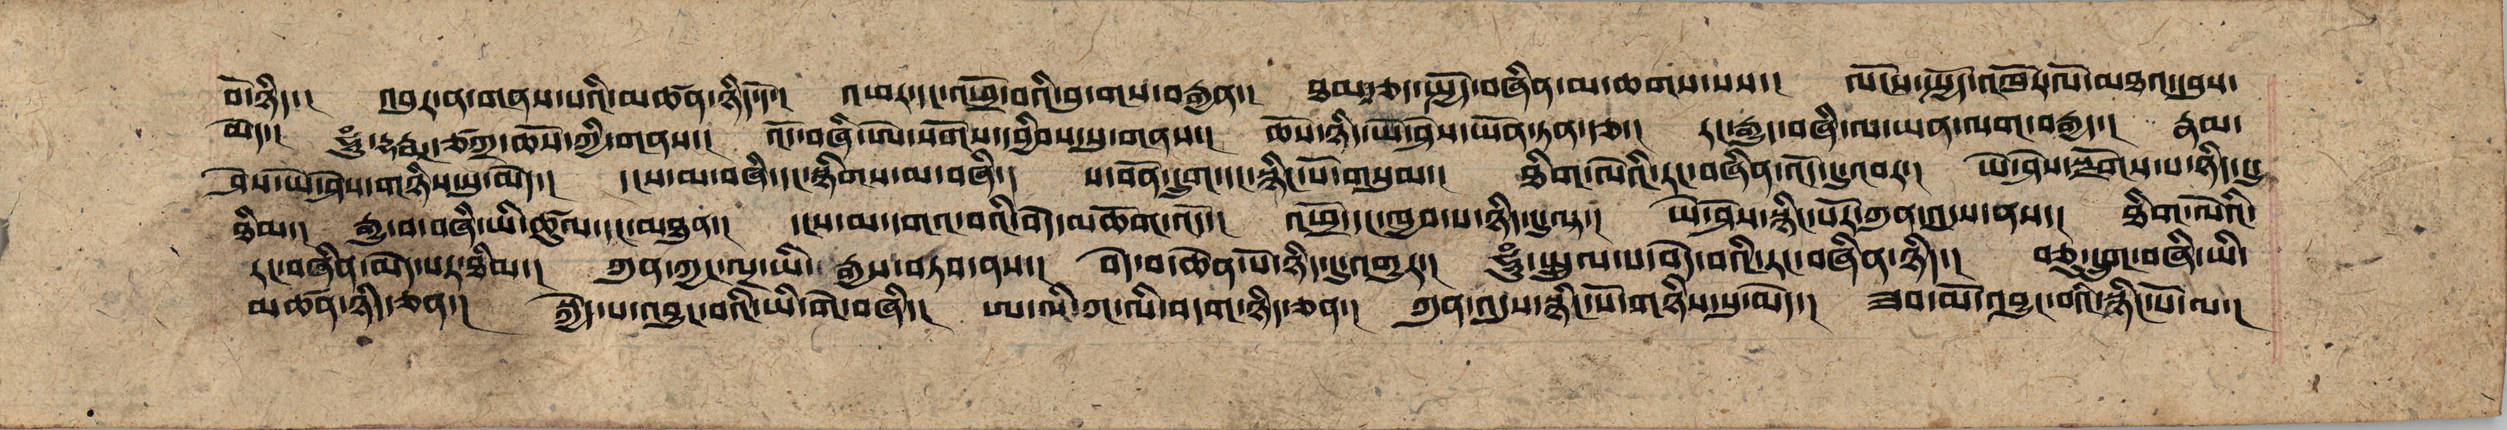བོ་ཉིད་། འབུར་ན་གནས་པའི་མཚན་ཉིད་དོ་། འཕར་དང་འཕྲོ་བའི་བུ་གས་བརྒྱན་། ཐམས་ཅད་སྤྱོད་བཞིན་མ་ཆགས་པས་། ལོངས་སྤྱོད་འཁོར་ལོ་མཐའ་དབུས་
མེད་། ཧཱུཾ་དྷརྨཱ་ཙཀྲ་ཆོས་ཀྱི་གནས་། འོད་བཞི་ཨེ་སོགས་དབྱིབས་སུ་གནས་། ཆོས་ཉིད་ཡེ་ཤེས་ཡོན་ཏན་རྩ་། རང་རྒྱུད་བཞི་ལ་ཡན་ལག་བརྒྱད་། རྣམ་
ཤེས་ཡེ་ཤེས་གཉིས་སུ་མེད་། དངས་མ་བཞི་དང་སྙིགས་མ་བཞི་། ས་བོན་དྲུག་དང་སྙིང་པོ་གསུམ་། ཐིག་ལེའི་རང་བཞིན་འོད་དུ་འབར་། ཡེ་ཤེས་སྫོགས་པ་ཉིད་དུ་
ཐིམ་། རྒྱུ་བ་བཞི་ཡི་ཚུལ་དང་མཐུན་། དངས་མ་དགའ་བའི་བདེ་མཆོག་འོད་། འཕྲོ་དང་ཁྱབ་པ་ཉིད་དུ་ལྟ་། ཡེ་ཤེས་སྙིང་པོར་ཀུན་འདུས་ནས་། ཐིག་ལེའི་
རང་བཞིན་མེད་པར་ཐིམ་། ཀུན་ཀྱང་ལྔ་ཡི་རྒྱས་བཏབ་ནས་། བདེ་བ་ཆེན་པོ་ཉིད་དུ་འགྱུར་། ཧཱུཾ་སྤྲུལ་པ་བདེ་བའི་རང་བཞིན་ཉིད་། བཅུ་དྲུག་བཞི་ཡི་
མཚན་ཉིད་ཅན་། སྐྱེད་པ་འབྱུང་བའི་ཡི་གེ་བཞི་། ཨ་ལི་ཀ་ལི་བདག་ཉིད་ཅན་། ཀུན་འདུས་སྙིང་པོ་གཉིས་སུ་མེད་། ཟབ་མོ་འབྱུང་བའི་སྙིང་པོ་ལ་།